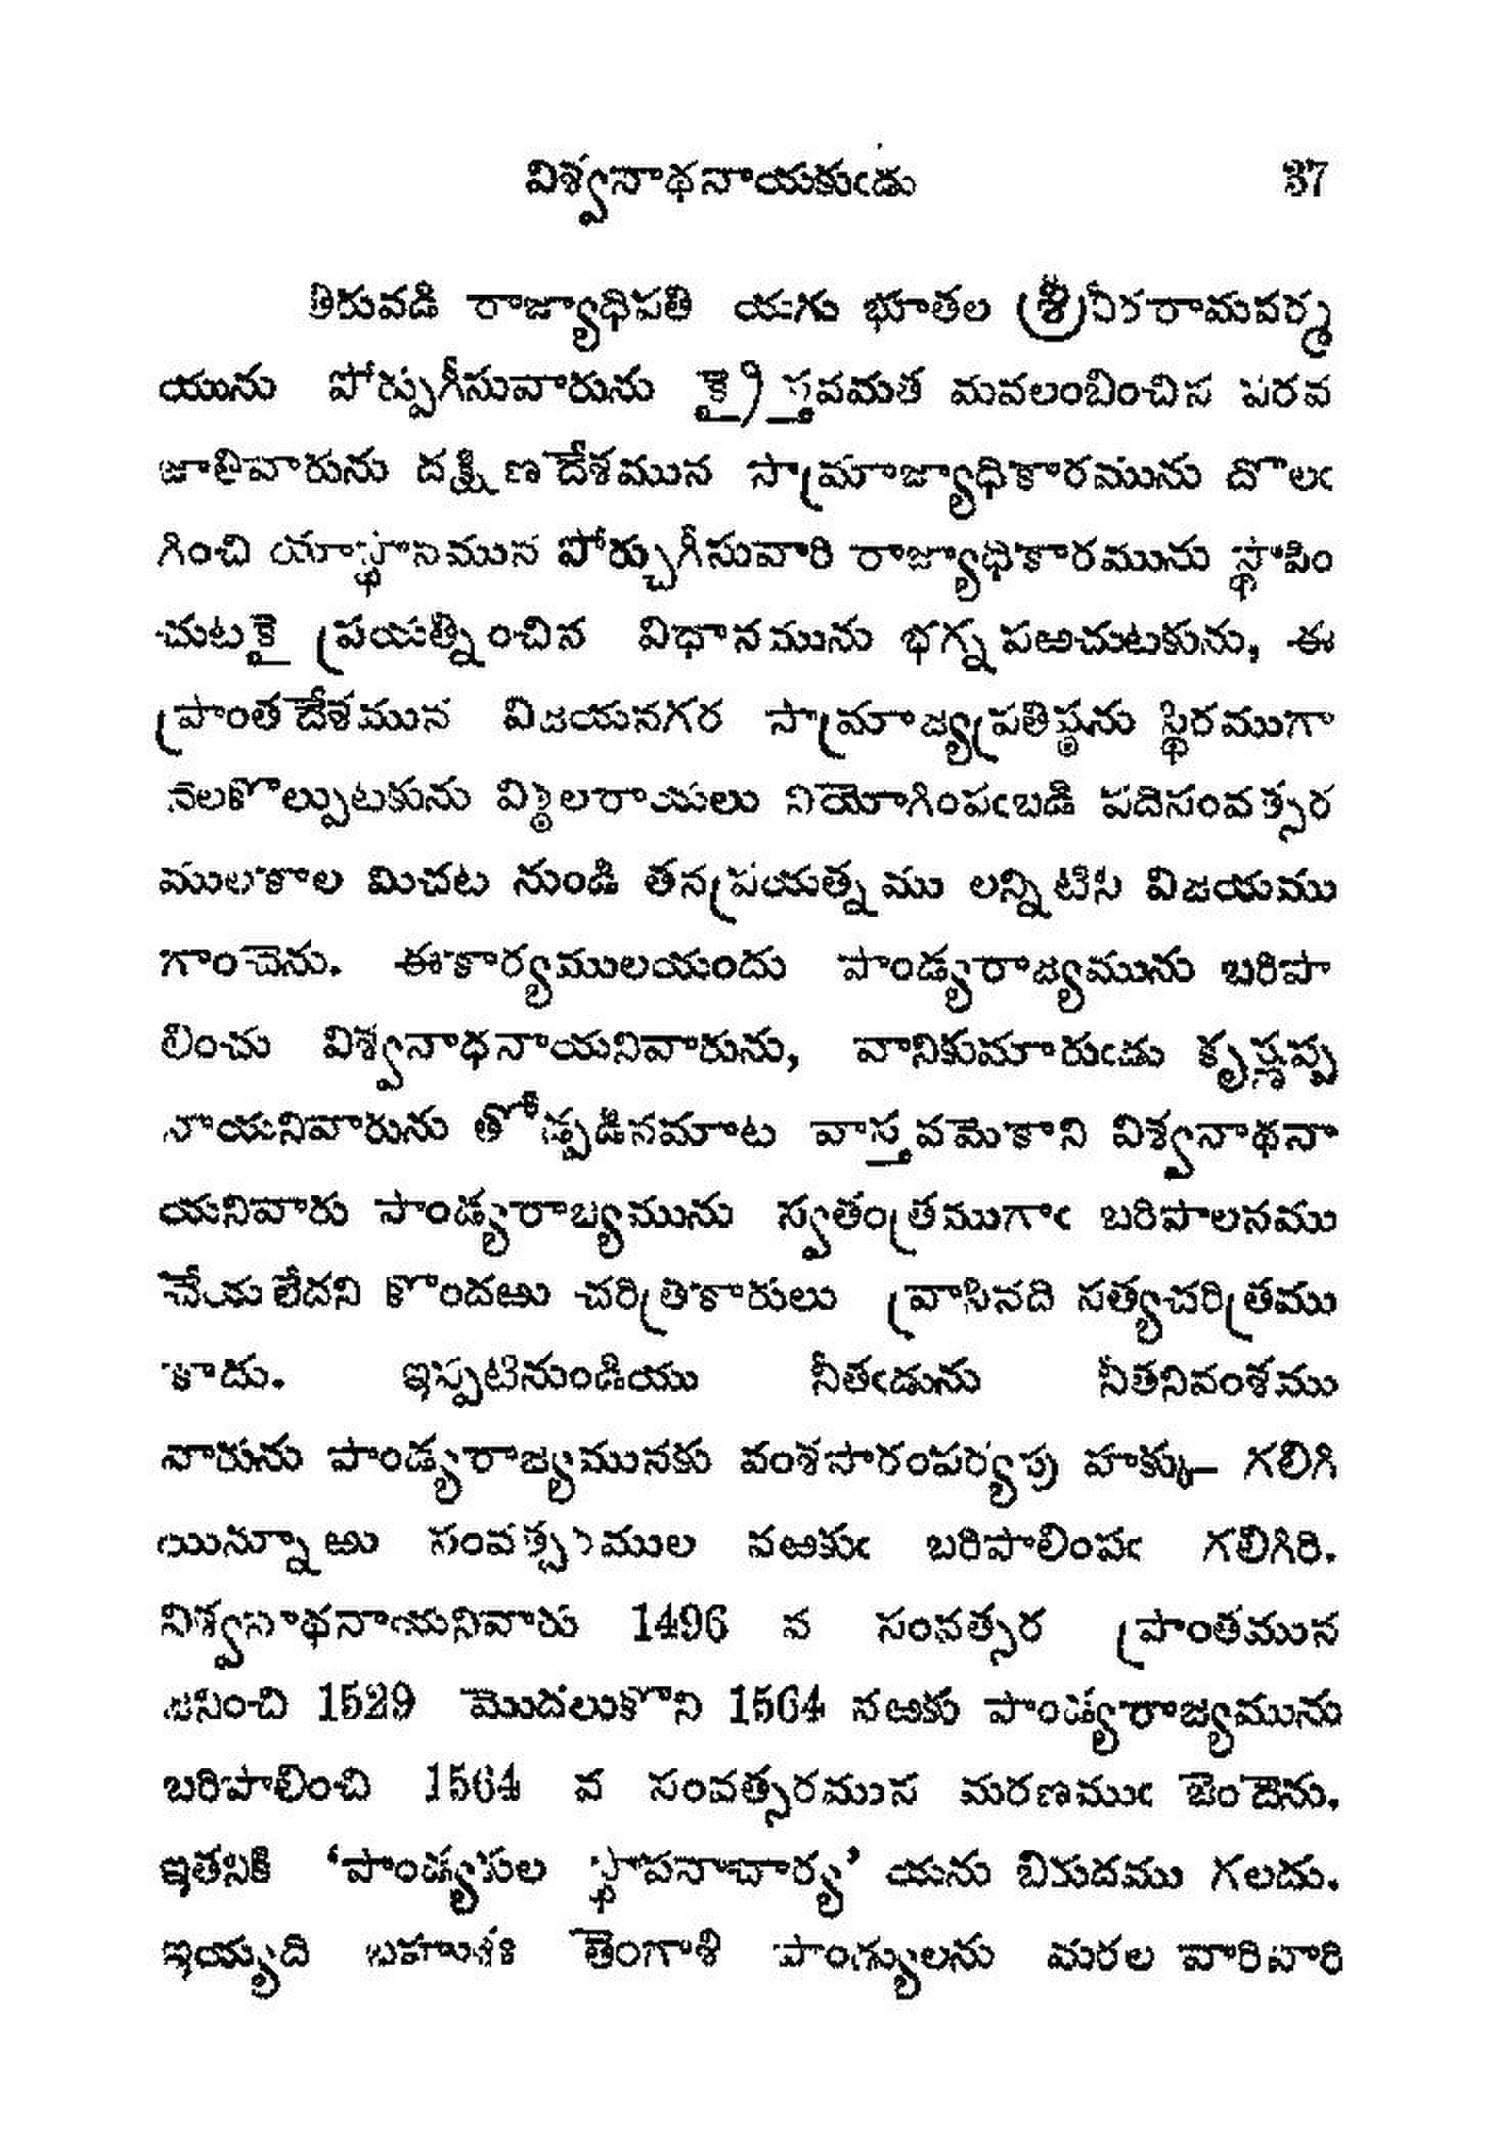తిరువడి రాజ్యాధిపతి యగు భూతల శ్రీవీరరామవర్మయును పోర్చుగీసువారును క్రైస్తవమత మవలంబించిన పరవజాతివారును దక్షిణదేశమున సామ్రాజ్యాధికారమును దొలఁగించి యాస్థానమున పోర్చుగీసువారి రాజ్యాధికారమును స్థాపించుటకై ప్రయత్నించిన విధానమును భగ్నపఱచుటకును, ఈ ప్రాంతదేశమున విజయనగర సామ్రాజ్యప్రతిష్ఠను స్థిరముగా నెలకొల్పుటకును విఠ్ఠలరాయలు నియోగింపఁబడి పదిసంవత్సరములకాల మిచట నుండి తనప్రయత్నము లన్నిటిని విజయము గాంచెను. ఈకార్యములయందు పాండ్యరాజ్యమును బరిపాలించు విశ్వనాథనాయనివారును, వానికుమారుఁడు కృష్ణప్పనాయనివారును తోడ్పడినమాట వాస్తవమెకాని విశ్వనాథనాయనివారు పాండ్యరాజ్యమును స్వతంత్రముగాఁ బరిపాలనము చేయలేదని కొందఱు చరిత్రకారులు వ్రాసినది సత్యచరిత్రము కాదు. ఇప్పటినుండియు నీతఁడును నీతనివంశము వారును పాండ్యరాజ్యమునకు వంశపారంపర్యపు హక్కు గలిగి యిన్నూఱు సంవత్సరముల వఱకుఁ బరిపాలింపఁ గలిగిరి. విశ్వనాథనాయనివారు 1496 వ సంవత్సర ప్రాంతమున జనించి 1529 మొదలుకొని 1564 వఱకు పాండ్యరాజ్యమును బరిపాలించి 1564 వ సంవత్సరమున మరణముఁ జెందెను. ఇతనికి 'పాండ్యకుల స్థాపనాచార్య' యను బిరుదము గలదు. ఇయ్యది బహుశః తెంగాశి పాండ్యులను మరల వారివారి